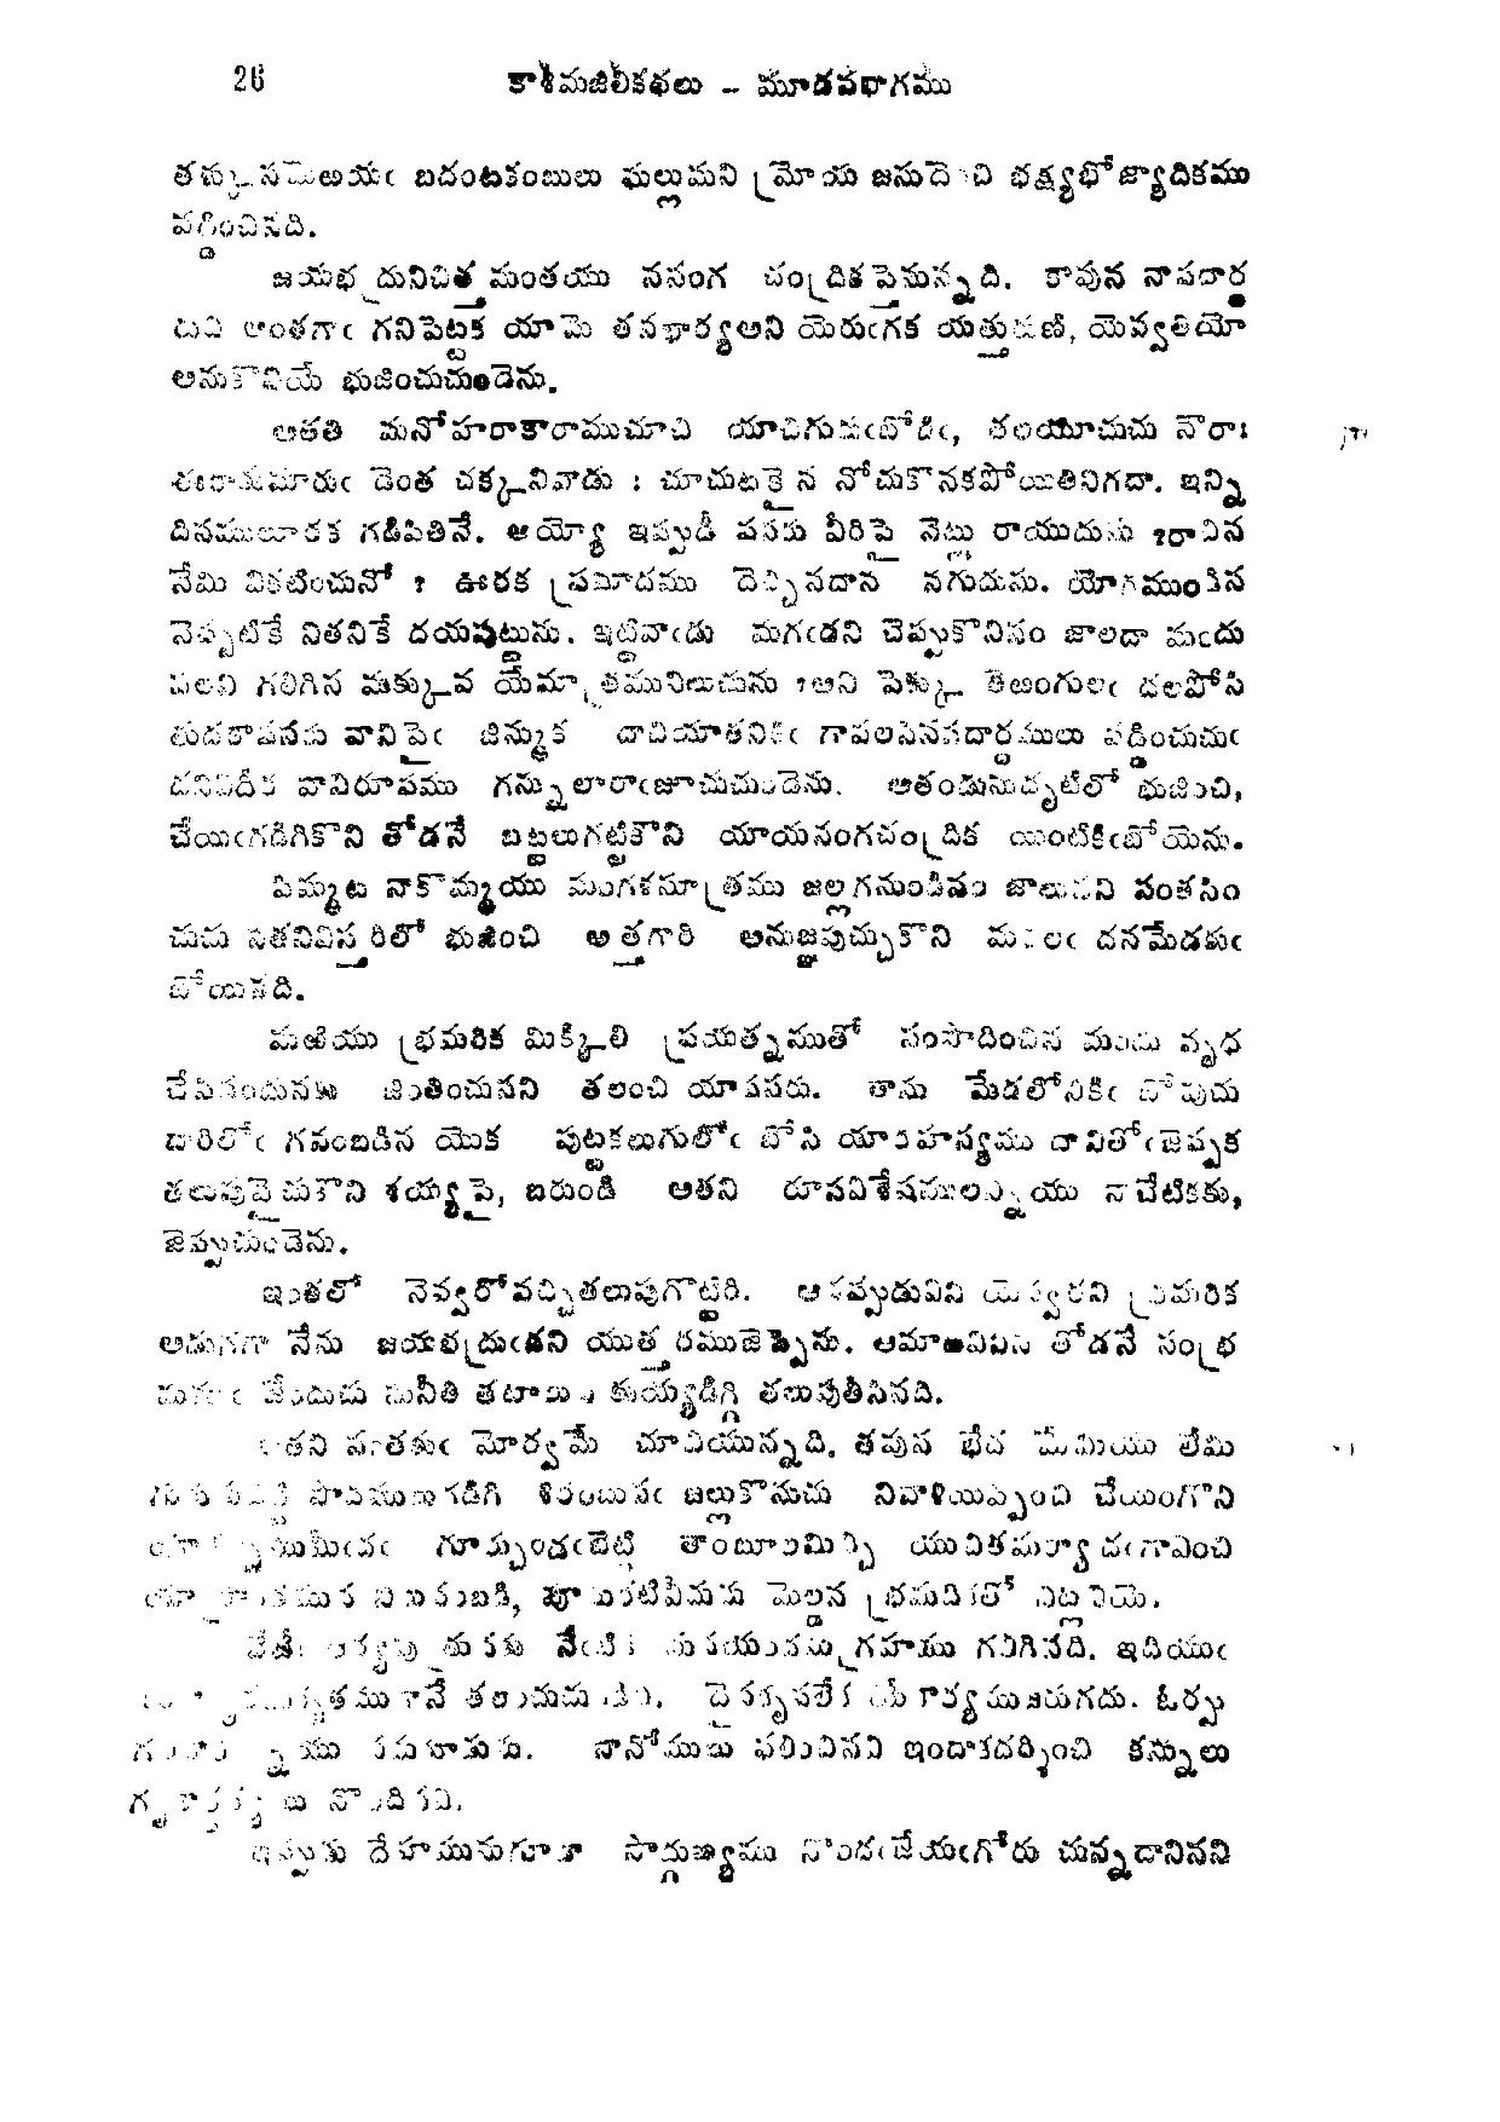తళ్కున మెఱయఁ బదంటకంబులు ఘల్లుమని మ్రోయ జనుదెంచి భక్ష్యభోజ్యాదికము వడ్డించినది.

జయభద్రునిచిత్తమంతయు ననంగచంద్రికపైనున్నది. కావున నా పదార్థరుచి అంతగాఁ గనిపెట్టక యామె తనభార్యఅని యెరుఁగక యత్తురుణి యెవ్వతియో అనుకొనియే భుజించుచుండెను.

ఆతని మనోహరాకారాము చూచి యాచిగురుఁబోడిఁ తలయూచుచు నౌరా! ఈరాకుమారుఁ డెంత చక్కనివాడు! చూచుటకైన నోచుకొనకపోయితినిగదా. ఇన్ని దినము లూరక గడిపితినే. అయ్యో ఇప్పుడీ పసరు వీరిపై నెట్లు రాయుదును? రాచిన నేమి వికటించునో? ఊరక ప్రమాదము దెచ్చినదాన నగుదును. యోగముండిన నెప్పటికే నితనికే దయపుట్టును. ఇట్టివాఁడు మగఁడని చెప్పుకొనినం జాలదా మందు వలని గలిగిన మక్కువ యేమాత్రమునిలుచును? అని పెక్కు తెఱంగులఁ దలపోసి తుదా కాపసరు వానిపైఁ జిమ్మక దాచి యాతనికిఁ గావలసినపదార్దములు వడ్డించుచుఁ దనివిదీర వానిరూపము గన్నులారాఁజూచుచుండెను. అతండును దృటిలో భుజించి, చేయిఁగడిగికొని తోడనే బట్టలుగట్టికొని యాయనంగచంద్రిక యింటికిఁబోయేను.

పిమ్మట నాకొమ్మయు మంగళసూత్రము జల్లగనుండినం జాలునని సంతసించుచు నతనివిస్తరిలో భుజించి అత్తగారి అనుజ్ఞ పుచ్చుకొని మరలఁ దనమేడకుఁ బోయినది.

మఱియు భ్రమరిక మిక్కిలి ప్రయత్నముతో సంపాదించిన మందు వృధ చేసినందునకు జింతించునని
తలంచి యాపసరు తాను మేడలోనికిఁ బోవుచు దారిలోఁ గనంబడిన యొక పుట్టకలుగులోఁ బోసి యారహస్యము దానితోఁజెప్పక తలుపువైచుకొని శయ్యపై బరుండి ఆతని రూపవిశేషములన్నియు నాచేటికకు జెప్పుచుండెను.

ఇంతలో నెవ్వరో వచ్చితలుపుగొట్టిరి. ఆచప్పుడు విని యెవ్వరని భ్రమరిక అడుగగా నేను జయభద్రుఁడని యుత్తరముజెప్పెను. ఆమాటవినిన తోడనే సంభ్రమము జెందుచు సునీతి తటాలున కుయ్యడిగ్గి తలుపుతీసినది.

అతని నంతకుఁ మోర్వమే చూచియున్నది. కావున భేద మేమియు లేమి గురుతుపట్టి పాదములు గడిగి
శిరంబునఁ జల్లుకొనుచు నివాళి యిప్పించి చేయింగొని బాన్పుమీఁదఁ గూర్చుండఁబెట్టి తాంబూలమిచ్చి యుచితమర్యాదఁ గావించి యాప్రాంతమున నిలువంబడి పూసరుటి వీచుచు మెల్లన భ్రమరికతో నిట్లనియె.

చేటీ! ఆర్యపుత్రునకు నేఁటికి మనయం దనుగ్రహము గలిగినది. ఇదియుఁ మత్కృతసుకృతముగానే తలంచుచుంటిని. దైవకృపలేక యేకార్యముజరుగదు. ఓర్పు గలవారికన్నియు సమకూడును. నానోములు ఫలించినవి ఇందాక దర్శించి కన్నులు గృతార్థ నొందినవి.

ఇప్పుడు దేహమునుగూడా సాద్గుణ్యము నొందఁజేయఁగోరుచున్నదానినని